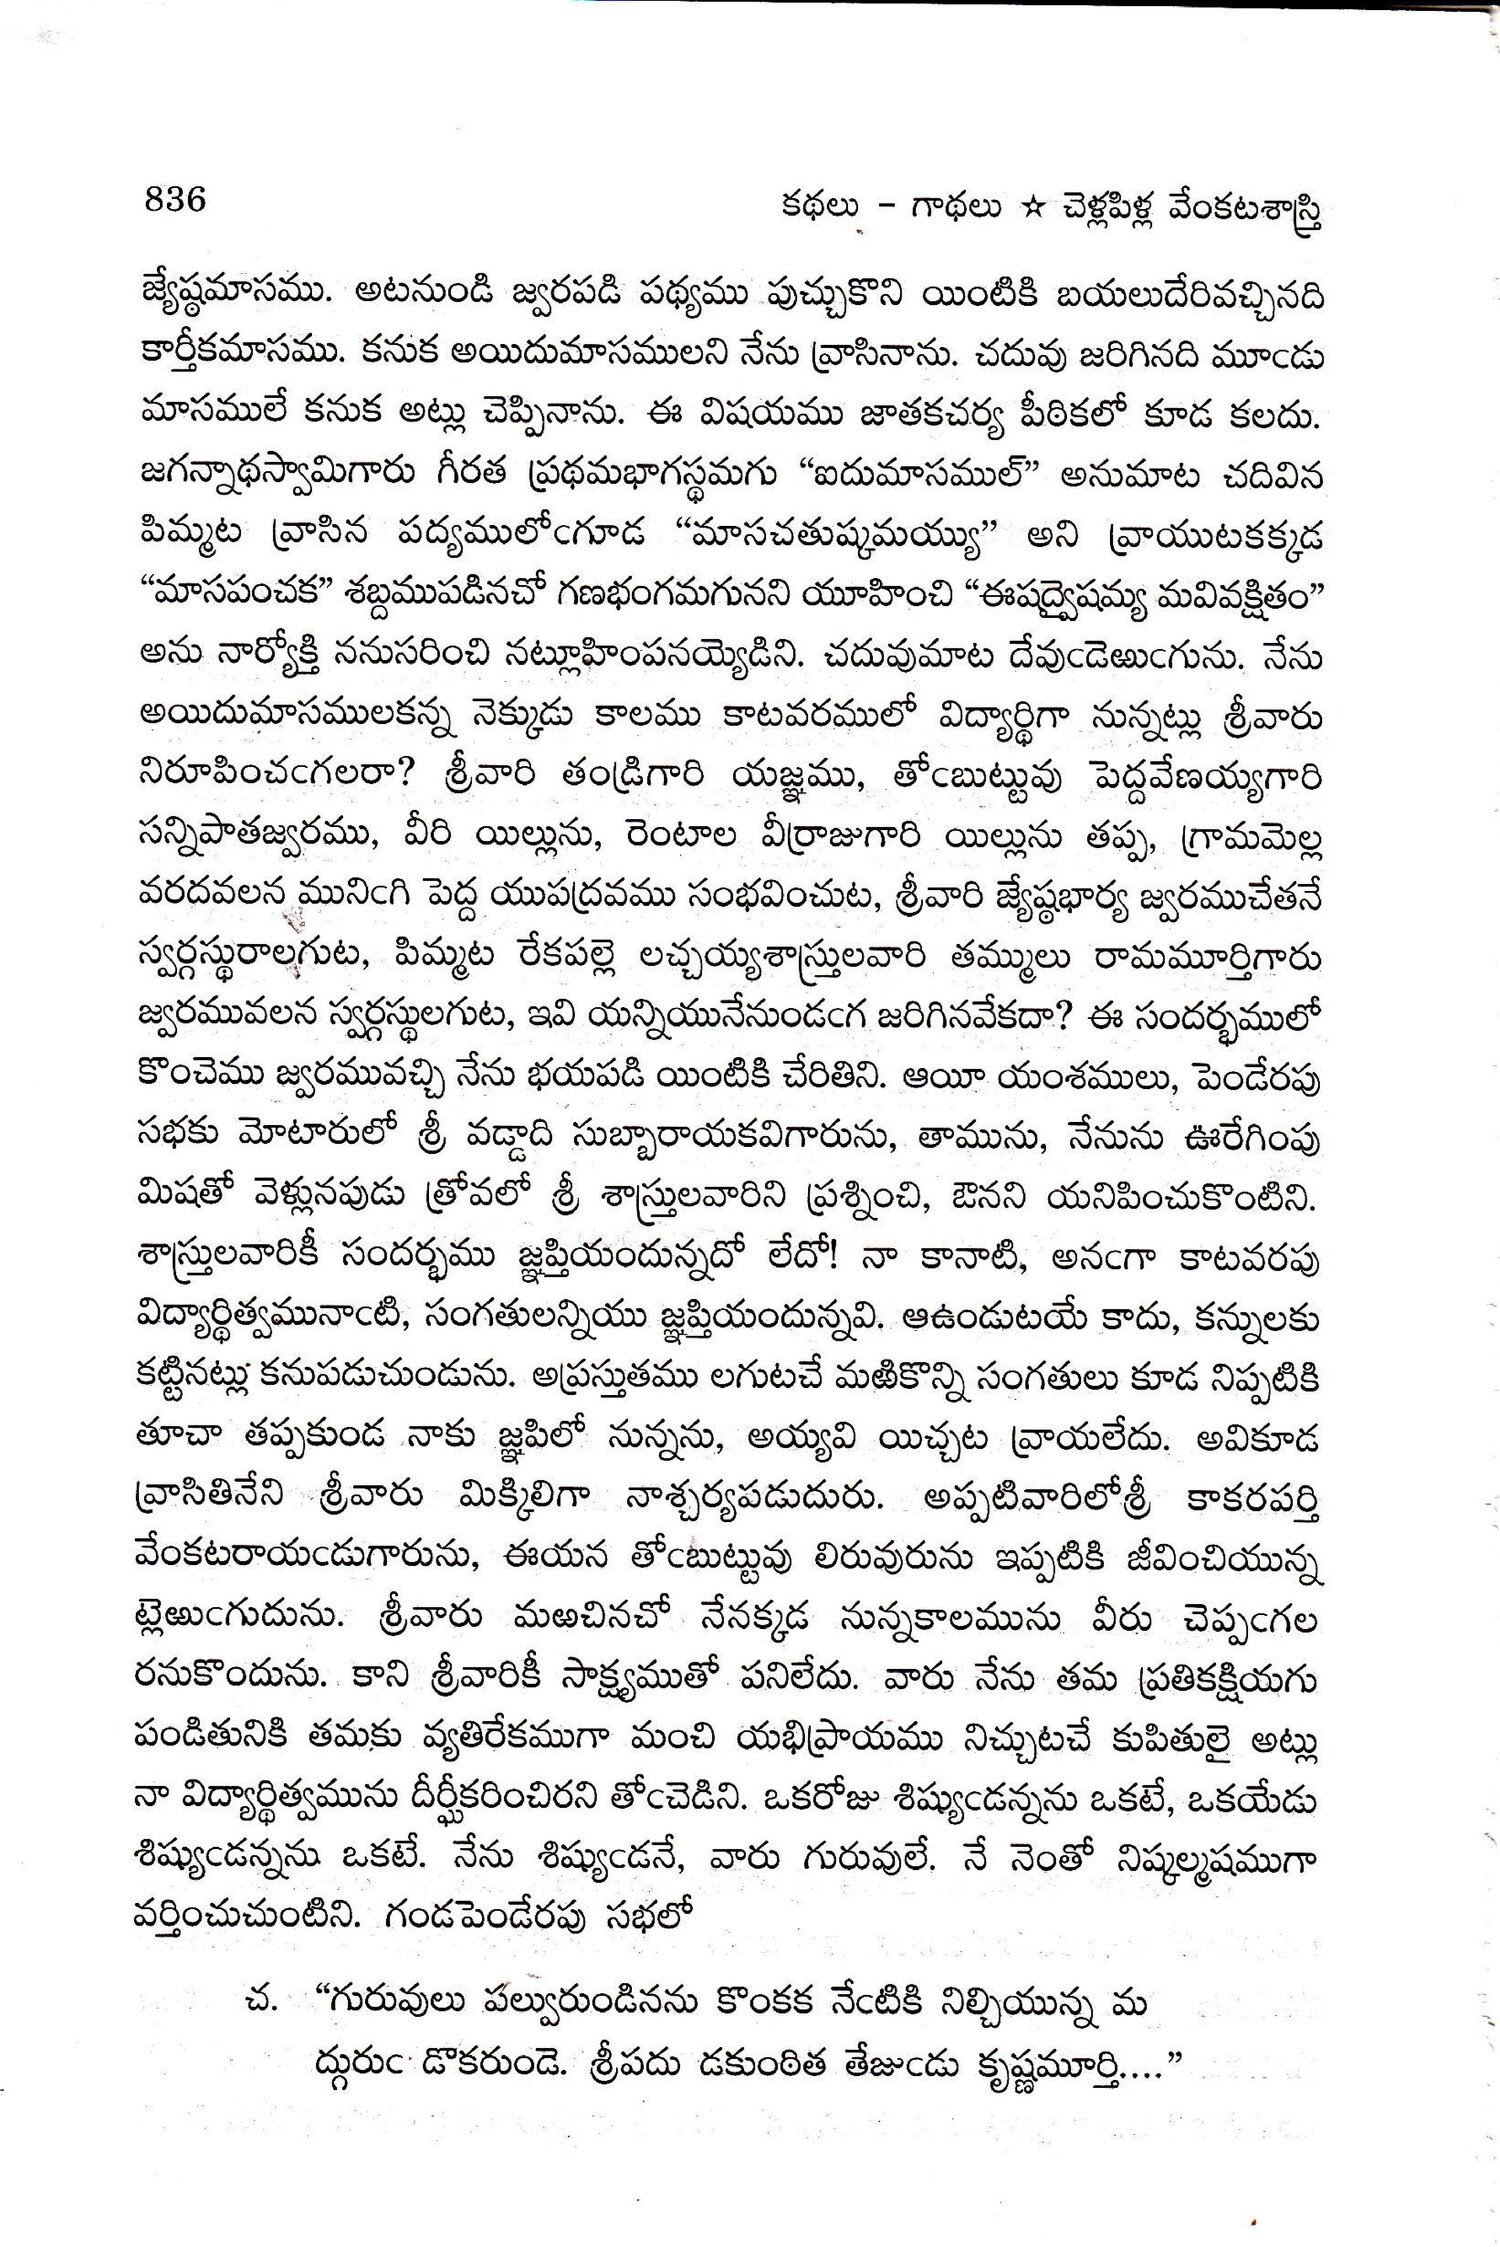జ్యేష్ఠమాసము. అటనుండి జ్వరపడి పథ్యము పుచ్చుకొని యింటికి బయలుదేరివచ్చినది కార్తీకమాసము. కనుక అయిదుమాసములని నేను వ్రాసినాను. చదువు జరిగినది మూఁడు మాసములే కనుక అట్లు చెప్పినాను. ఈ విషయము జాతకచర్య పీఠికలో కూడ కలదు. జగన్నాథస్వామిగారు గీరత ప్రథమభాగస్థమగు "ఐదుమాసముల్" అనుమాట చదివిన పిమ్మట వ్రాసిన పద్యములోఁగూడ “మాసచతుష్కమయ్యు" అని వ్రాయుటకక్కడ "మాసపంచక" శబ్దముపడినచో గణభంగమగునని యూహించి "ఈషద్వైషమ్య మవివక్షితం" అను నార్యోక్తి ననుసరించి నట్లూహింపనయ్యెడిని. చదువుమాట దేవుఁడెఱుఁగును. నేను అయిదుమాసములకన్న నెక్కుడు కాలము కాటవరములో విద్యార్థిగా నున్నట్లు శ్రీవారు నిరూపించఁగలరా? శ్రీవారి తండ్రిగారి యజ్ఞము, తోఁబుట్టువు పెద్దవేణయ్యగారి సన్నిపాతజ్వరము, వీరి యిల్లును, రెంటాల వీర్రాజుగారి యిల్లును తప్ప, గ్రామమెల్ల వరదవలన మునిఁగి పెద్ద యుపద్రవము సంభవించుట, శ్రీవారి జ్యేష్ఠభార్య జ్వరముచేతనే స్వర్గస్థురాలగుట, పిమ్మట రేకపల్లె లచ్చయ్యశాస్త్రులవారి తమ్ములు రామమూర్తిగారు జ్వరమువలన స్వర్గస్థులగుట, ఇవి యన్నియనేనుండఁగ జరిగినవేకదా? ఈ సందర్భములో కొంచెము జ్వరమువచ్చి నేను భయపడి యింటికి చేరితిని. ఆయీ యంశములు, పెండేరపు సభకు మోటారులో శ్రీ వడ్డాది సుబ్బారాయకవిగారును, తామును, నేనును ఊరేగింపు మిషతో వెళ్లునపుడు త్రోవలో శ్రీ శాస్త్రులవారిని ప్రశ్నించి, ఔనని యనిపించుకొంటిని. శాస్త్రులవారికీ సందర్భము జ్ఞప్తియందున్నదో లేదో! నా కానాటి, అనఁగా కాటవరపు విద్యార్ధిత్వమునాఁటి, సంగతులన్నియు జ్ఞప్తియందున్నవి. ఆఉండుటయే కాదు, కన్నులకు కట్టినట్లు కనుపడుచుండును. అప్రస్తుతము లగుటచే మఱికొన్ని సంగతులు కూడ నిప్పటికి తూచా తప్పకుండ నాకు జ్ఞప్తిలో నున్నను, అయ్యవి యిచ్చట వ్రాయలేదు. అవికూడ వ్రాసితినేని శ్రీవారు మిక్కిలిగా నాశ్చర్యపడుదురు. అప్పటివారిలోశ్రీ కాకరపర్తి వేంకటరాయఁడుగారును, ఈయన తోఁబుట్టువు లిరువురును ఇప్పటికి జీవించియున్న ట్లెఱుఁగుదును. శ్రీవారు మఱచినచో నేనక్కడ నున్నకాలమును వీరు చెప్పఁగల రనుకొందును. కాని శ్రీవారికీ సాక్ష్యముతో పనిలేదు. వారు నేను తమ ప్రతికక్షియగు పండితునికి తమకు వ్యతిరేకముగా మంచి యభిప్రాయము నిచ్చుటచే కుపితులై అట్లు నా విద్యార్ధిత్వమును దీర్ఘీకరించిరని తోఁచెడిని. ఒకరోజు శిష్యుఁడన్నను ఒకటే, ఒకయేడు శిష్యుఁడన్నను ఒకటే. నేను శిష్యుఁడనే, వారు గురువులే. నే నెంతో నిష్కల్మషముగా వర్తించుచుంటిని. గండపెండేరపు సభలో

చ. “గురువులు పల్వురుండినను కొంకక నేఁటికి నిల్చియున్న మ
 ద్గురుఁ డొకరుండె. శ్రీపదు డకుంఠిత తేజుఁడు కృష్ణమూర్తి..."